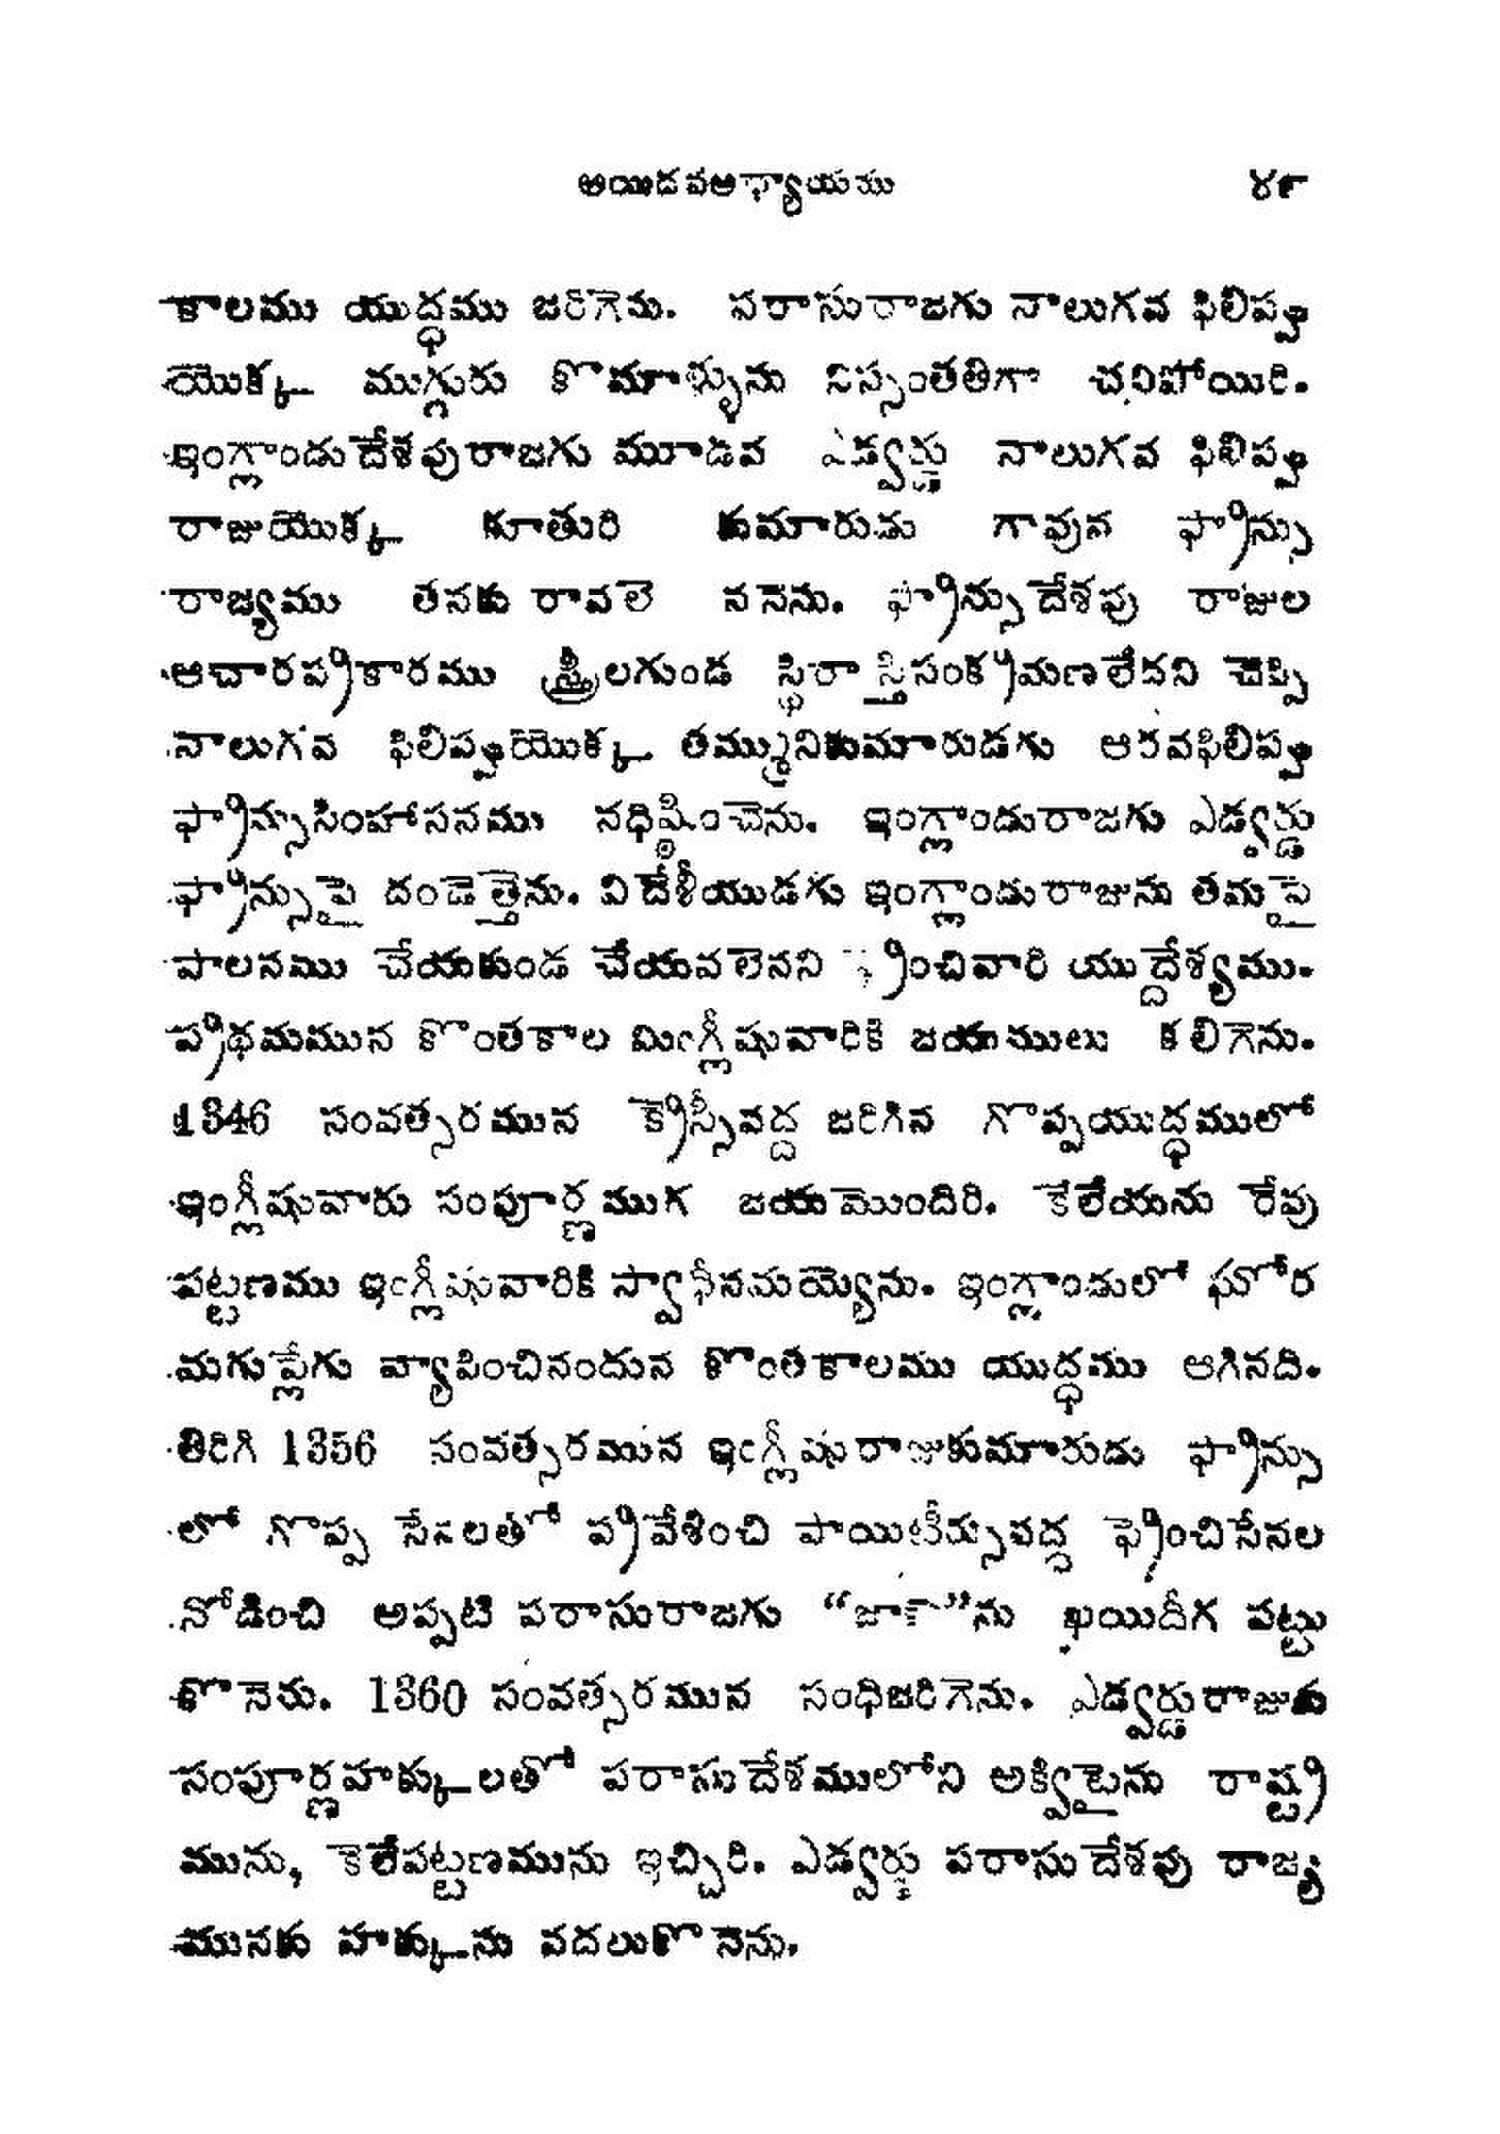కాలము యుద్ధము జరిగెను. పరాసురాజగు నాలుగవ ఫిలిప్పు
యొక్క ముగ్గురు కొమాళ్ళును నిస్సంతతిగా చనిపోయిరి.
'ఇంగ్లాండు దేశవు రాజగు మూడప ఎడ్వర్డు నాలుగవ ఫిలిప్పు
రాజు యొక్క కూతురి కుమారుడు గావున ఫొస్సు
రాజ్యము తనకు రావలె ననెను. ఫ్రాన్సు దేశపు రాజుల
ఆచారప్రకారము స్త్రీలగుండ స్థిరాస్తి సంక్రమణ లేదని చెప్పి
నాలుగవ ఫిలిప్పు యొక్క తమ్మునికుమారుడగు ఆరవ ఫిలిప్పు
ఫ్రాన్సు సింహాసనము నధిష్టించెను. ఇంగ్లాండు రాజగు ఎడ్వర్డు
ఫ్రాన్సుపై దండెత్తెను. విదేశీయుడగు ఇంగ్లాండు రాజును తమపై
పాలనము చేయకుండ చేయవలెనని ఫ్రెంచివారి యుద్దేశ్యము.
ప్రథమమున కొంతకాల మింగ్లీషువారికి జయములు కలిగెను.
1346 సంవత్సరమున కెస్పీవద్ద జరిగిన గొప్ప యుద్ధములో
ఇంగ్లీషువారు సంపూర్ణముగ జయమొందిరి. "కేలేయను రేవు
'పట్టణము ఇంగ్లీషువారికి స్వాధీనమయ్యేను. ఇంగ్లాండులో ఘోర
మగు ప్లేగు వ్యాపించినందున కొంత కాలము యుద్ధము ఆగినది.
తిరిగి 1356 సంవత్సరమున ఇంగ్లీషు రాజుకుమారుడు ఫ్రాన్సులో
గొప్ప సేనలతో ప్రవేశించి పాయి టీర్సు పద్ధ ఫ్రెంచి సేనల
నోడించి అప్పటి పరాసు రాజగు "జాన్”ను ఖయిదీగ పట్టు
కొనెను. 1360 సంవత్సరమున సంధి జరిగెను. ఎడ్వర్డు రాజుకు
సంపూర్ణ హక్కులతో పరాసు దేశములోని అక్వీటైను రాష్ట్ర
మును, కె లే పట్టణమును ఇచ్చిరి. ఎడ్వర్డు పరాసు దేశపు రాజ్య
మునకు హక్కును వదలుకొనెను.